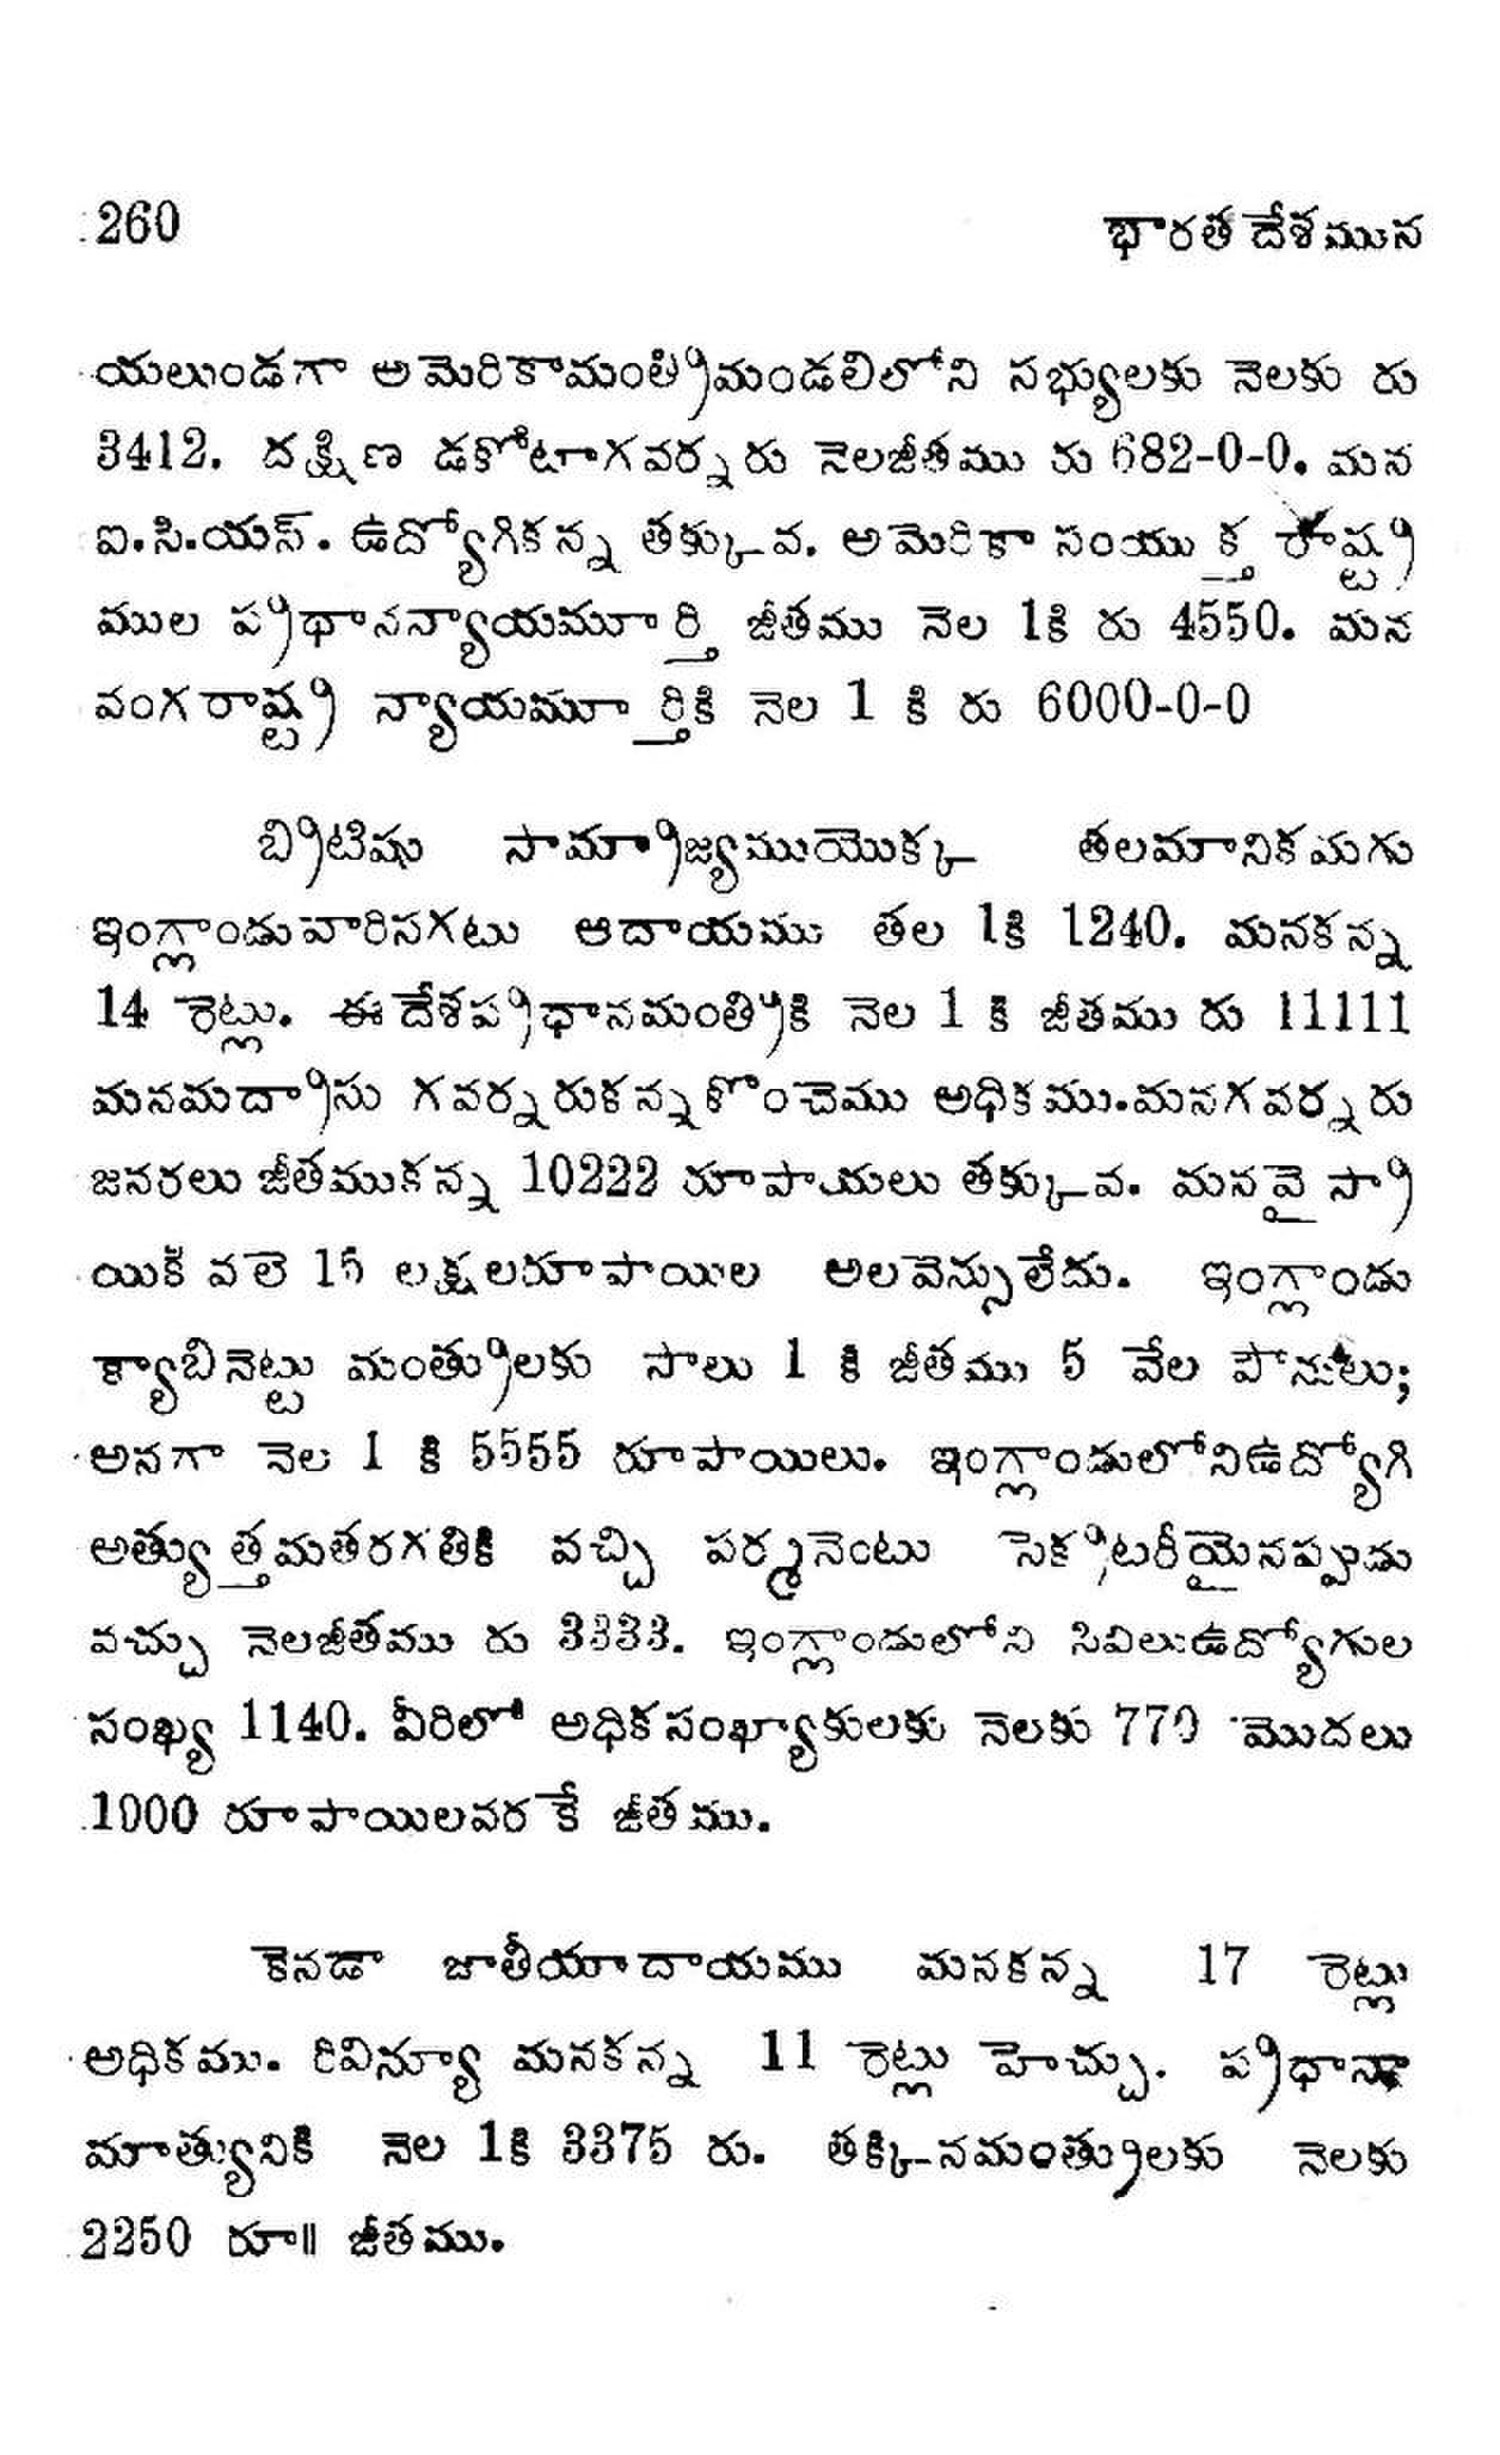యలుండగా అమెరికామంత్రిమండలిలోని సభ్యులకు నెలకు రు 3412. దక్షిణ డకోటాగవర్నరు నెలజీతము రు 682-0-0. మన ఐ.సి.యస్. ఉద్యోగికన్న తక్కువ. అమెరికా సంయుక్త రాష్ట్రముల ప్రధానన్యాయమూర్తి జీతము నెల 1కి రు 4550. మన వంగరాష్ట్ర న్యాయమూర్తికి నెల 1 కి రు 6000-0-0

బ్రిటిషు సామ్రాజ్యముయొక్క తలమానికమగు ఇంగ్లాండువారిసగటు ఆదాయము తల 1కి 1240. మనకన్న 14 రెట్లు. ఈ దేశప్రధానమంత్రికి నెల 1 కి జీతము రు 11111 మనమద్రాసు గవర్నరుకన్నకొంచెము అధికము. మనగవర్నరు జనరలు జీతముకన్న 10222 రూపాయలు తక్కువ. మన వైస్రాయికి వలె 15 లక్షలరూపాయిల అలవెన్సులేదు. ఇంగ్లాండు క్యాబినెట్టు మంత్రులకు సాలు 1 కి జీతము 5 వేల పౌసులు; అనగా నెల 1 కి 5555 రూపాయిలు. ఇంగ్లాండులోని ఉద్యోగి అత్యుత్తమతరగతికి వచ్చి పర్మనెంటు సెక్రటరీయైనప్పుడు వచ్చు నెలజీతము రు 3333. ఇంగ్లాండులోని సివిలు ఉద్యోగుల సంఖ్య 1140. వీరిలో అధికసంఖ్యాకులకు నెలకు 770 మొదలు 1000 రూపాయిలవరకే జీతము.

కెనడా జాతీయాదాయము మనకన్న 17 రెట్లు అధికము. రివిన్యూ మనకన్న 11 రెట్లు హెచ్చు. ప్రధానామాత్యునికి నెల 1కి 3375 రు. తక్కినమంత్రులకు నెలకు 2250 రూ|| జీతము .